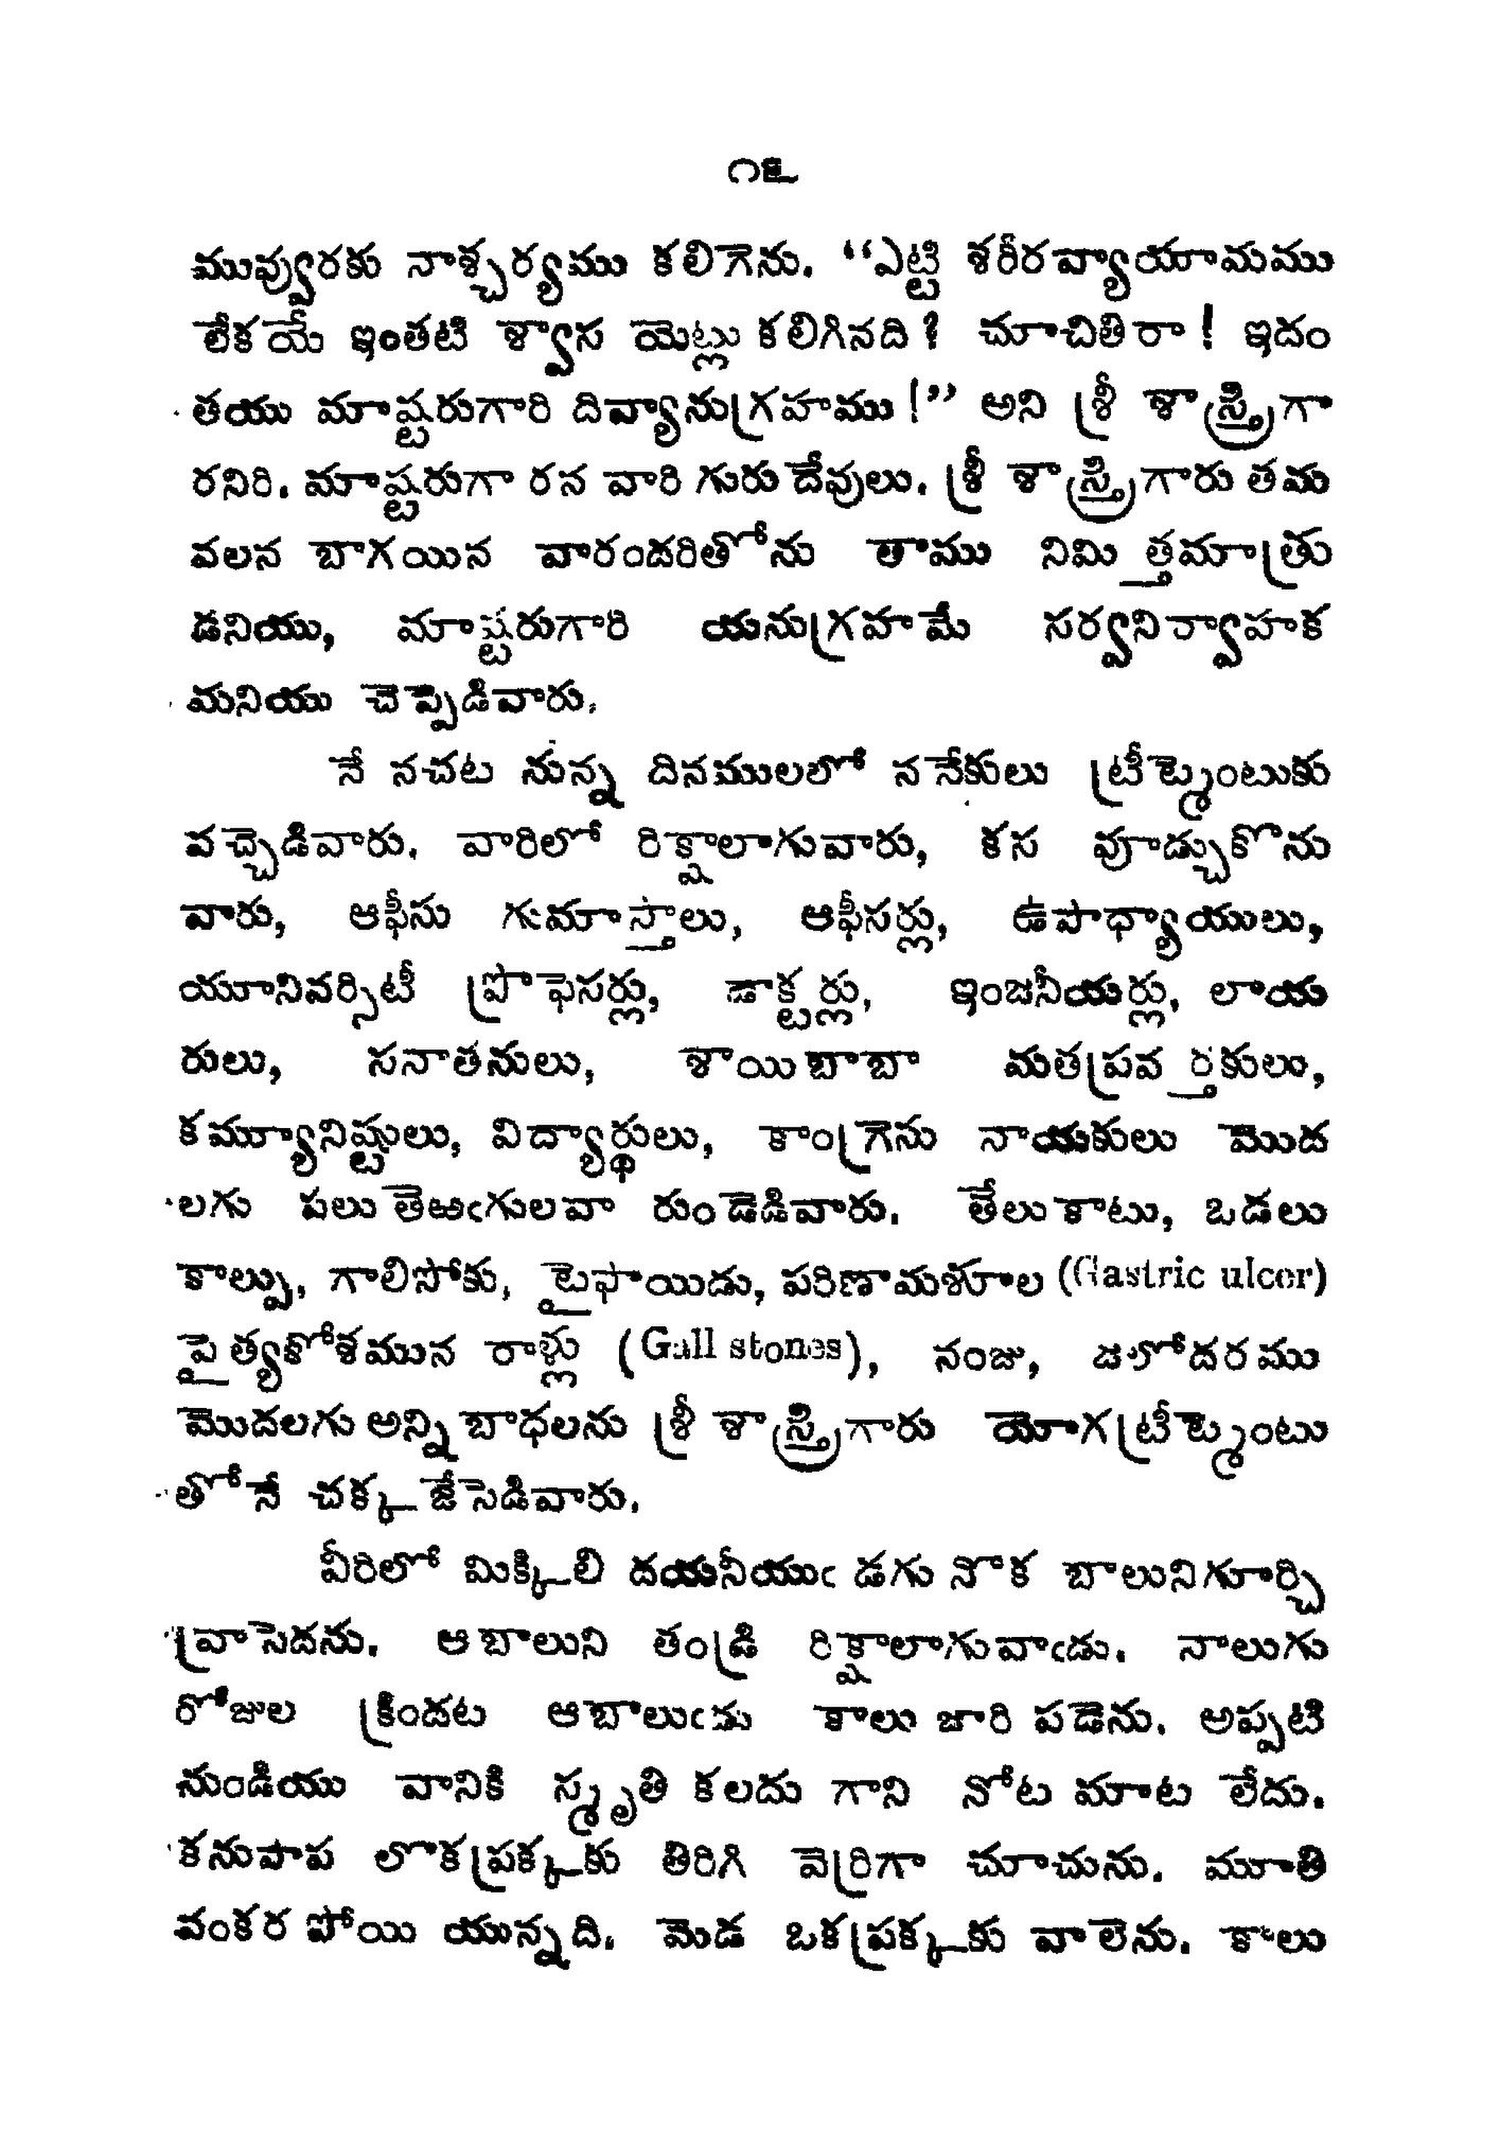మువ్వురకు నాశ్చర్యము కలిగెను." ఎట్టి వ్యాయామము లేకయే ఇంతటి శ్వాస యెట్లు కలిగినది? చూచితిరా! ఇదంతయు మాష్టరుగారి దివ్యానుగ్రహము!" అని శ్రీ శాస్త్రిగా రనిరి. మాష్టరుగా రన వారి గురుదేవులు. శ్రీ శాస్త్రి గారు తమ వలన బాగాయిన వారందరితోను తాము నిమిత్తమాత్రుడనియు, మాష్టరు గారి యనుగ్రహమే సర్వని ర్వాహక మనియు చెప్పెడివారు.

నే నచట నున్న దినములలో ట్రీట్మేంటుకు వచ్చెడివారు. వారిలో రిక్షాలాగువారు, కస వూడ్చుకొను వారు, ఆఫీసుర్లు, ఉపాధ్యాయులు, యునివర్సిటీ ప్రొఫెసర్లు, డాక్టర్లు, ఇంజనీయర్లు, లాయర్లు, సనాతనులు, శాయిబాబా మత ప్రవర్తకులు, కమ్యునిస్టులు, విద్యార్ధులు, కాంగ్రెసు నాయకులు మొదలగు పలు తెఱఁగులవా రుండెదివారు. తేలుక్జాటు, ఒడలు కాల్పు, గాలి సోకు, టైఫాయిడు, పరిణామశూల (Gastric ulcer) పైత్య కోశమున రాళ్లు (Gall stones), నంజు, జలోదరము మొదలగు అన్ని బాధలను శ్రీ శాస్త్రిగారు యోగ ట్రీట్మేంటు తోనే చక్క జేసెడివారు.

 వీరిలో మిక్కిలి దయనీయుఁడగు నొక బాలుని గూర్చి వ్రాసెదను. ఆ బాలుని తండ్రి రిక్షలాగు వాఁడు. నాలుగు రోజుల క్రిందట ఆ బాలుఁడు కాలు జారి పడెను. అప్పటి నుండియు వానికి స్మృతి కలదు గాని నోట మాట లేదు. కనుపాప లొక ప్రక్కకు తిరిగి వెర్రిగా చూచును. మూతి వంకరపోయి యున్నది. మెడ ఒక ప్రక్కకు వాలెను.కాలు